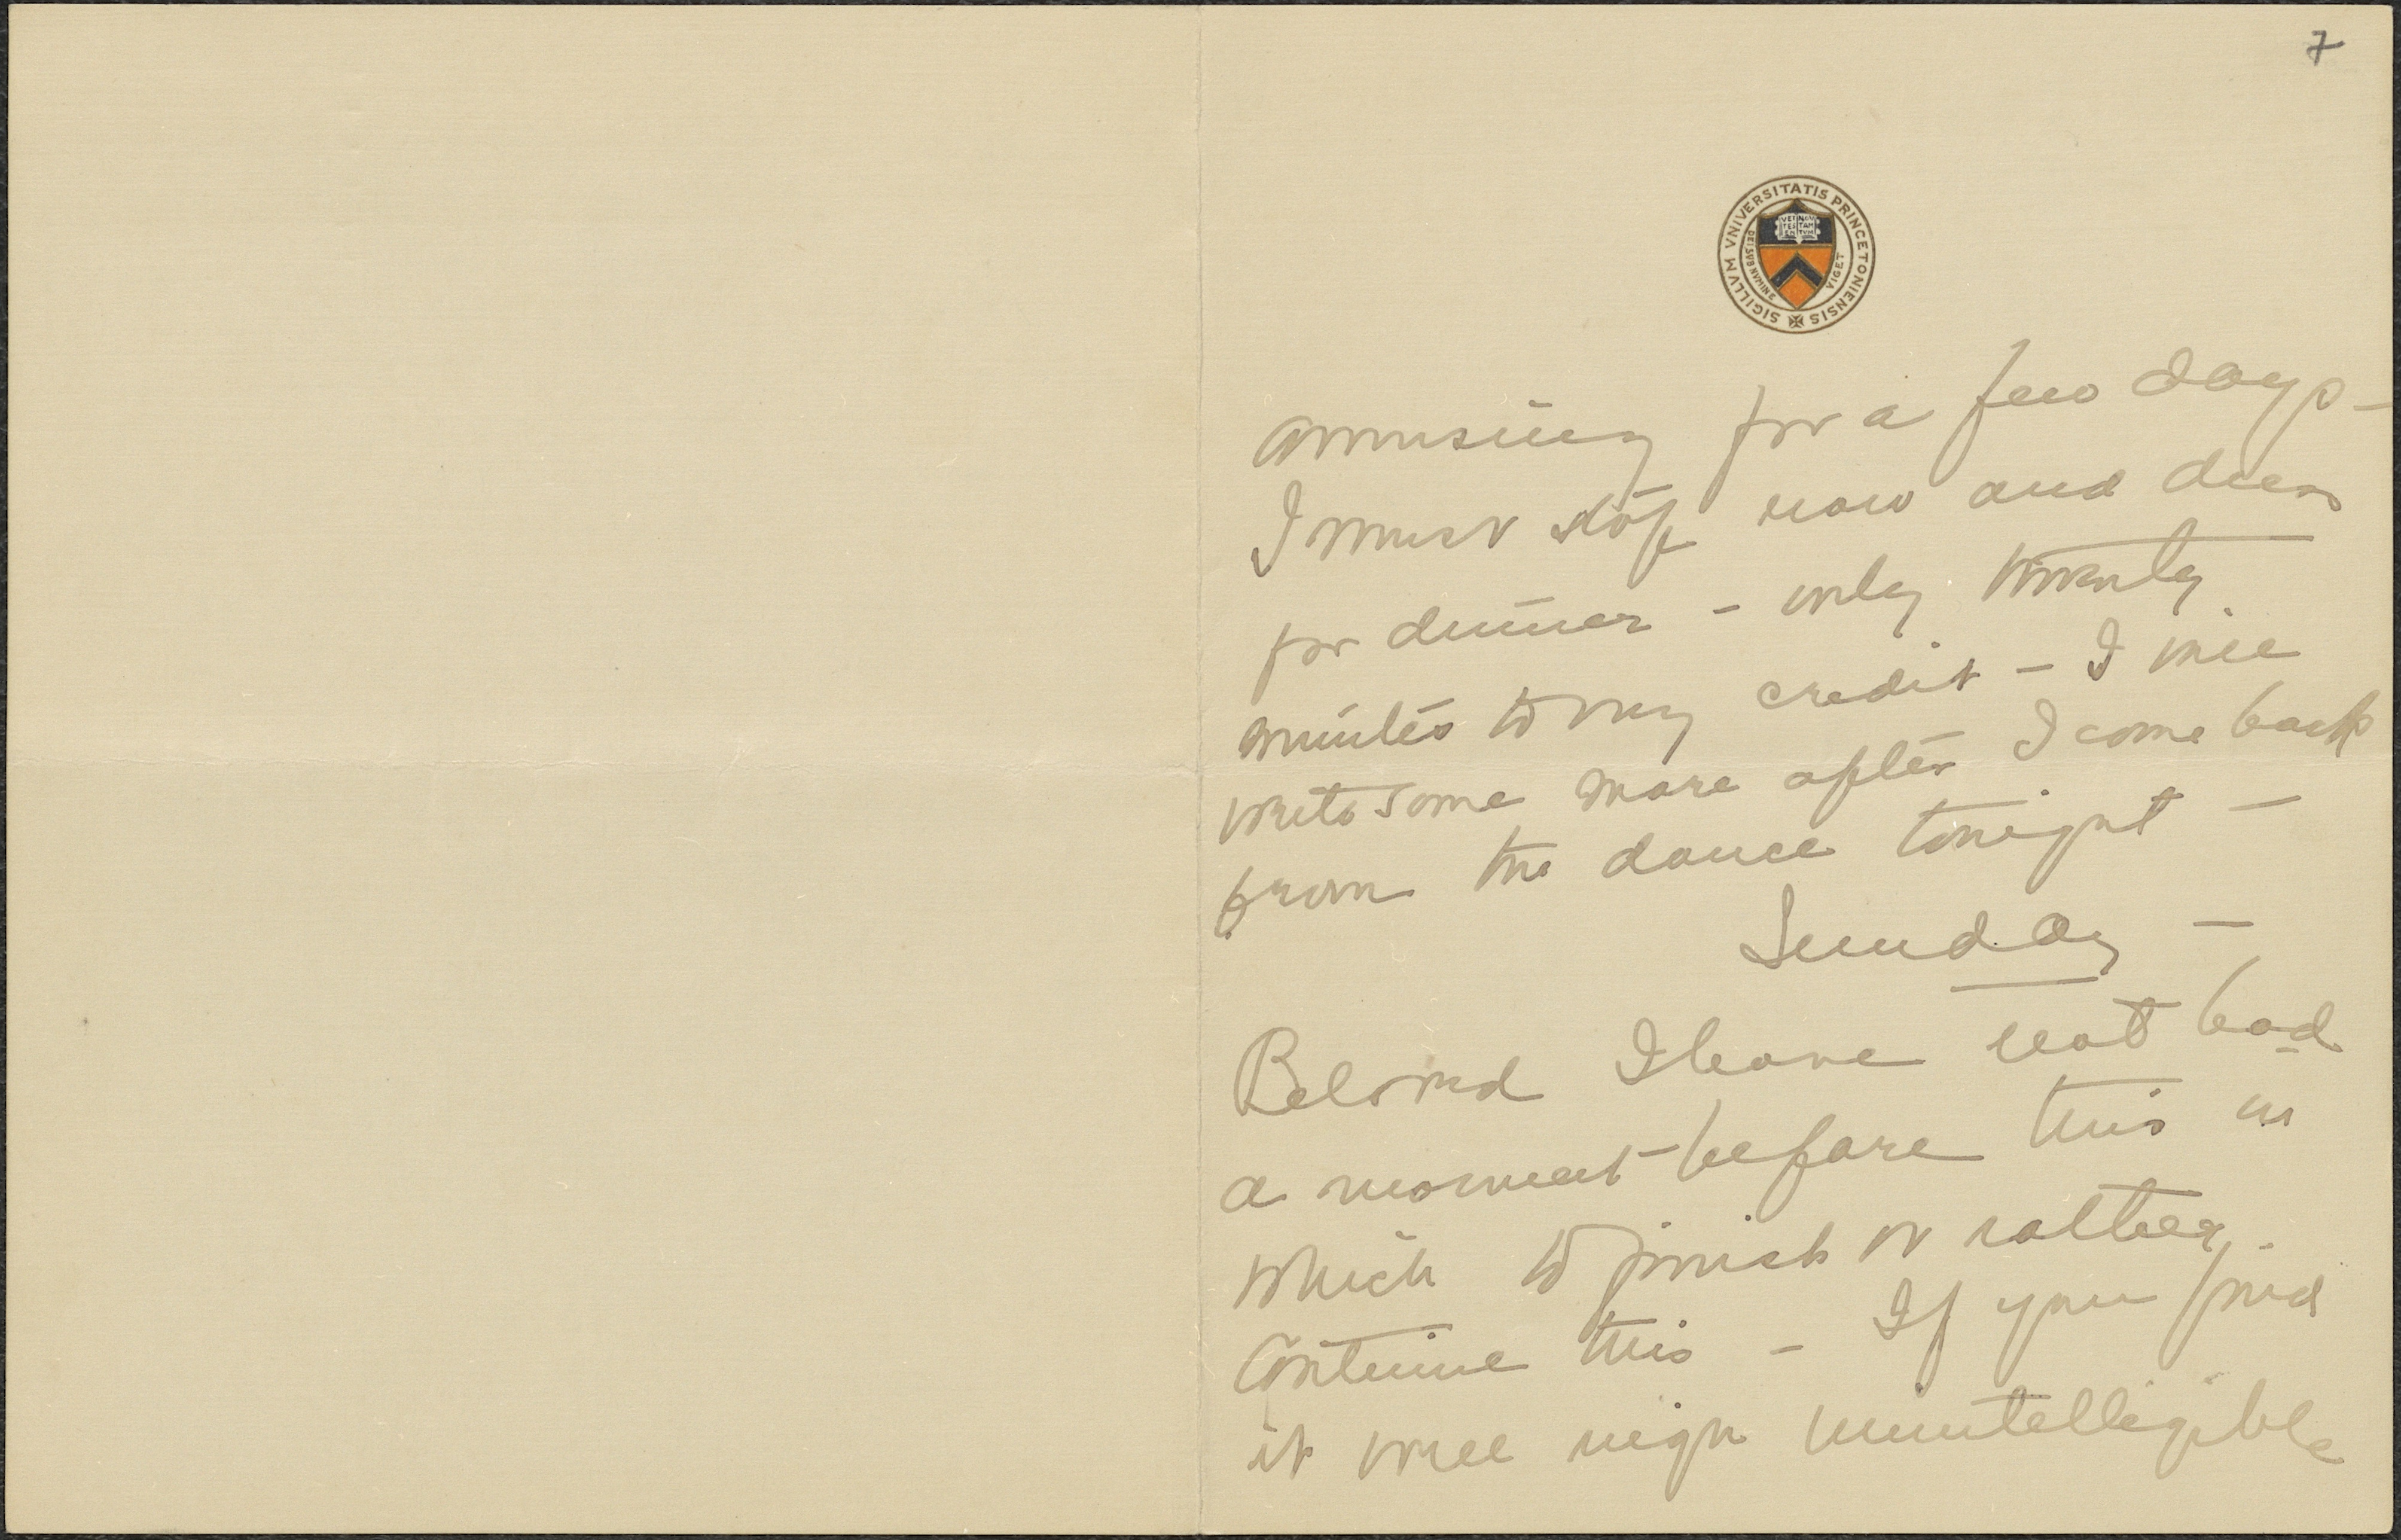amusing for a few days – I must stop now and dress for dinner – only twenty minutes to my credit – I will write some more after I come back from the dance tonight –
Sunday –
Beloved I have not had a moment before this in which to finish or rather continue this – If you find it well nigh unintelligible